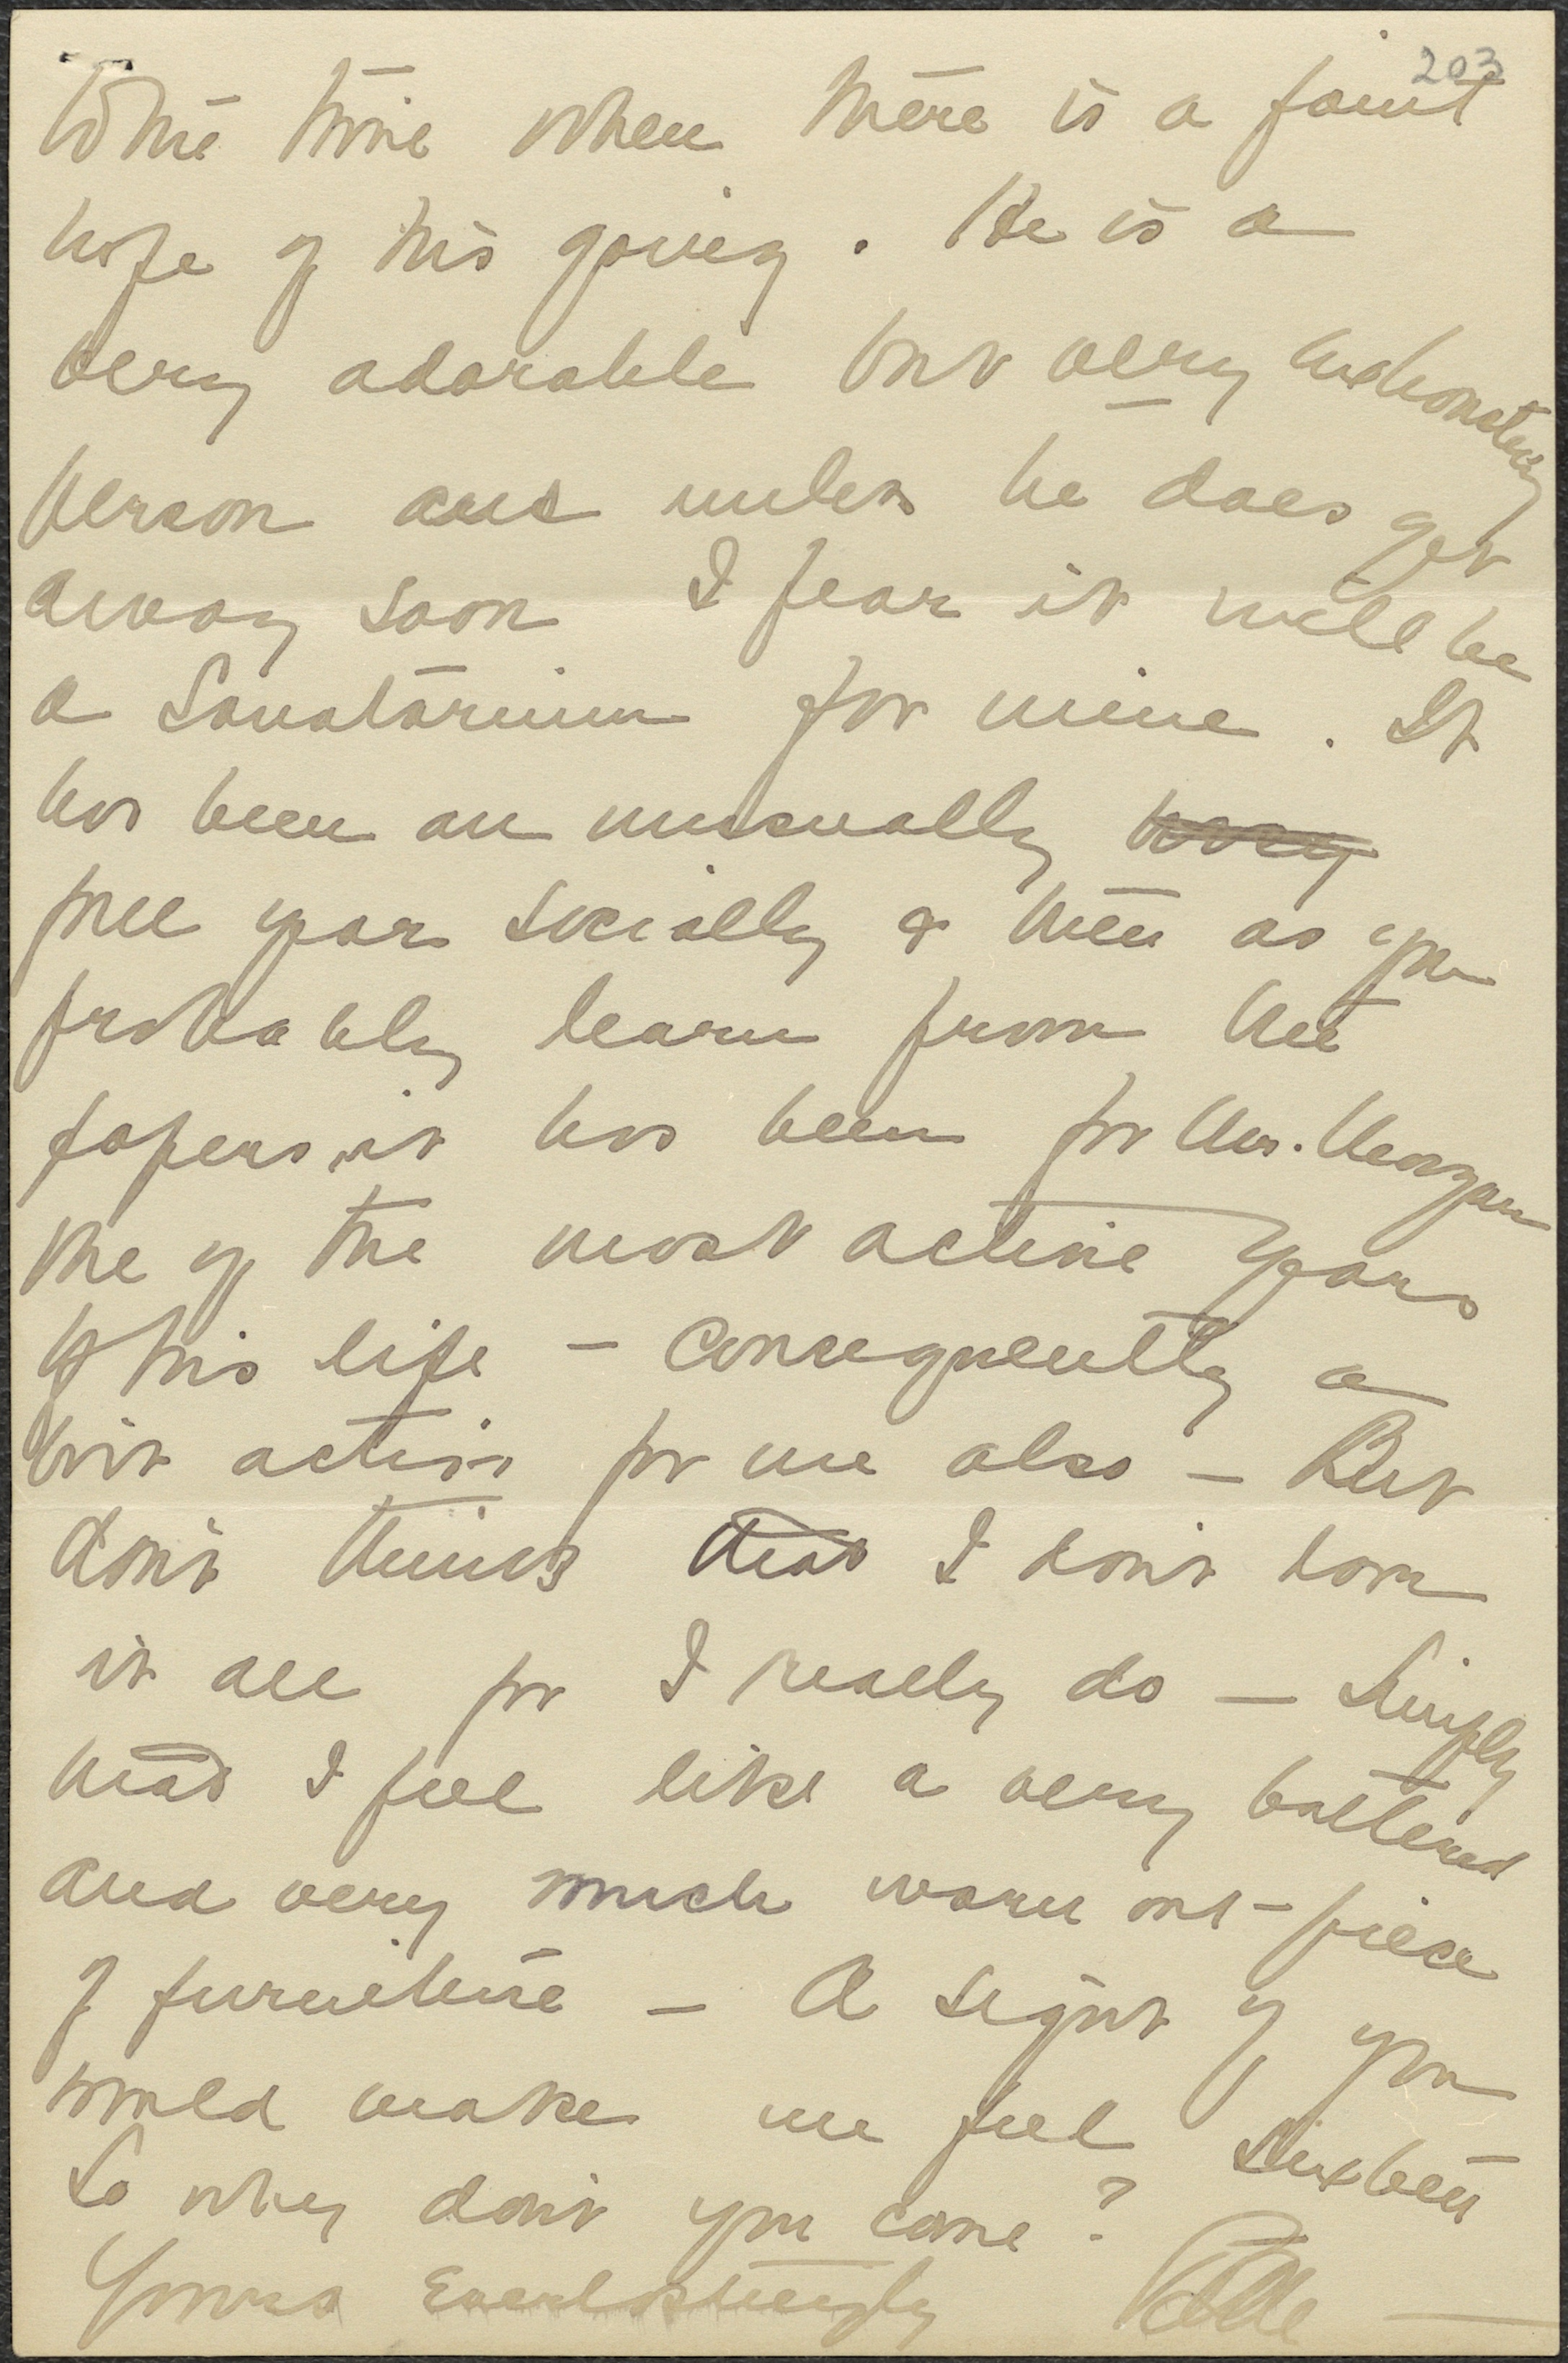to the time when there is a faint hope of his going. He is a very adorable but very exhausting person and unless he does get away soon I fear it will be a Sanatorium for mine. It has been an unusually busy full year socially & then as you probably learn from the papers, it has been for Mr. Morgan one of the most active years of his life – consequently a bit active for me also – But don’t think that I don’t love it all for I really do – Simply that I feel like a very battered and very much worn out piece of furniture – A sight of you would make me feel sixteen
So why don’t you come?
Yours everlastingly
Belle –